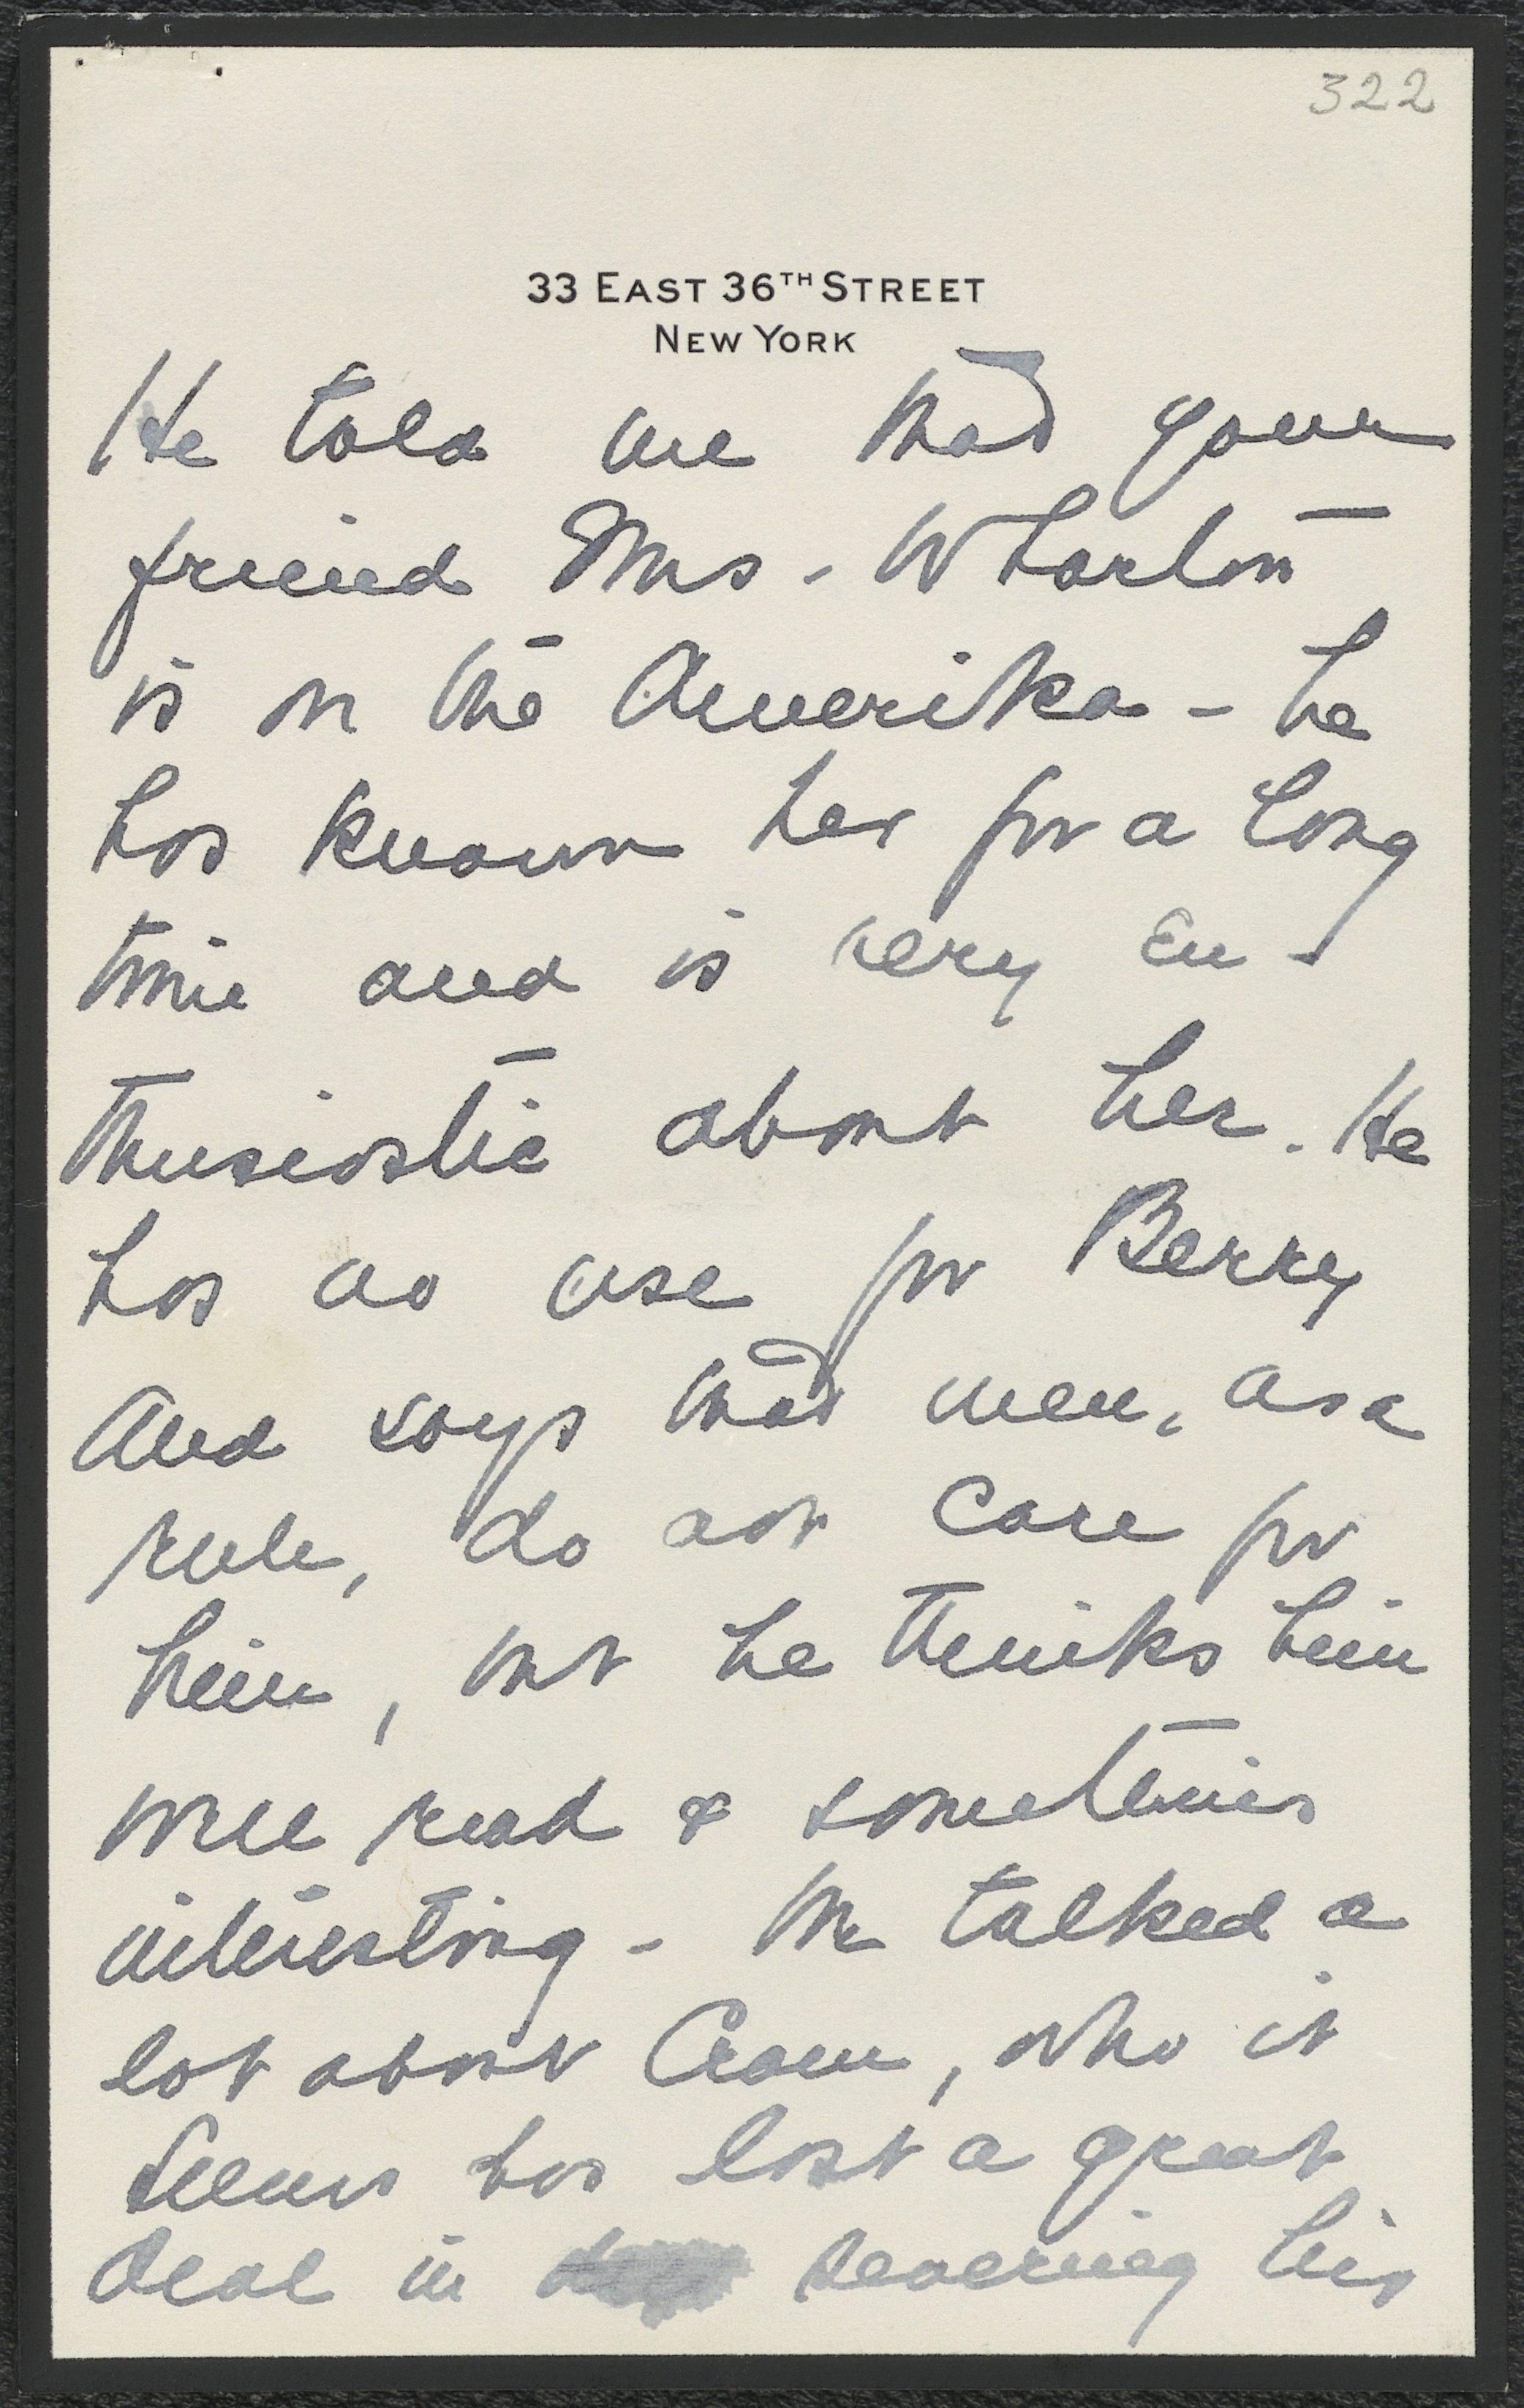He told me that your friend Mrs. Wharton is on the Amerika – he has known her for a long time and is very enthusiastic about her. He has no use for Berry and says that men, as a rule, do not care for him, but he thinks him well read & sometimes interesting – We talked a lot about Cram, who it seems has lost a great deal in du severing his